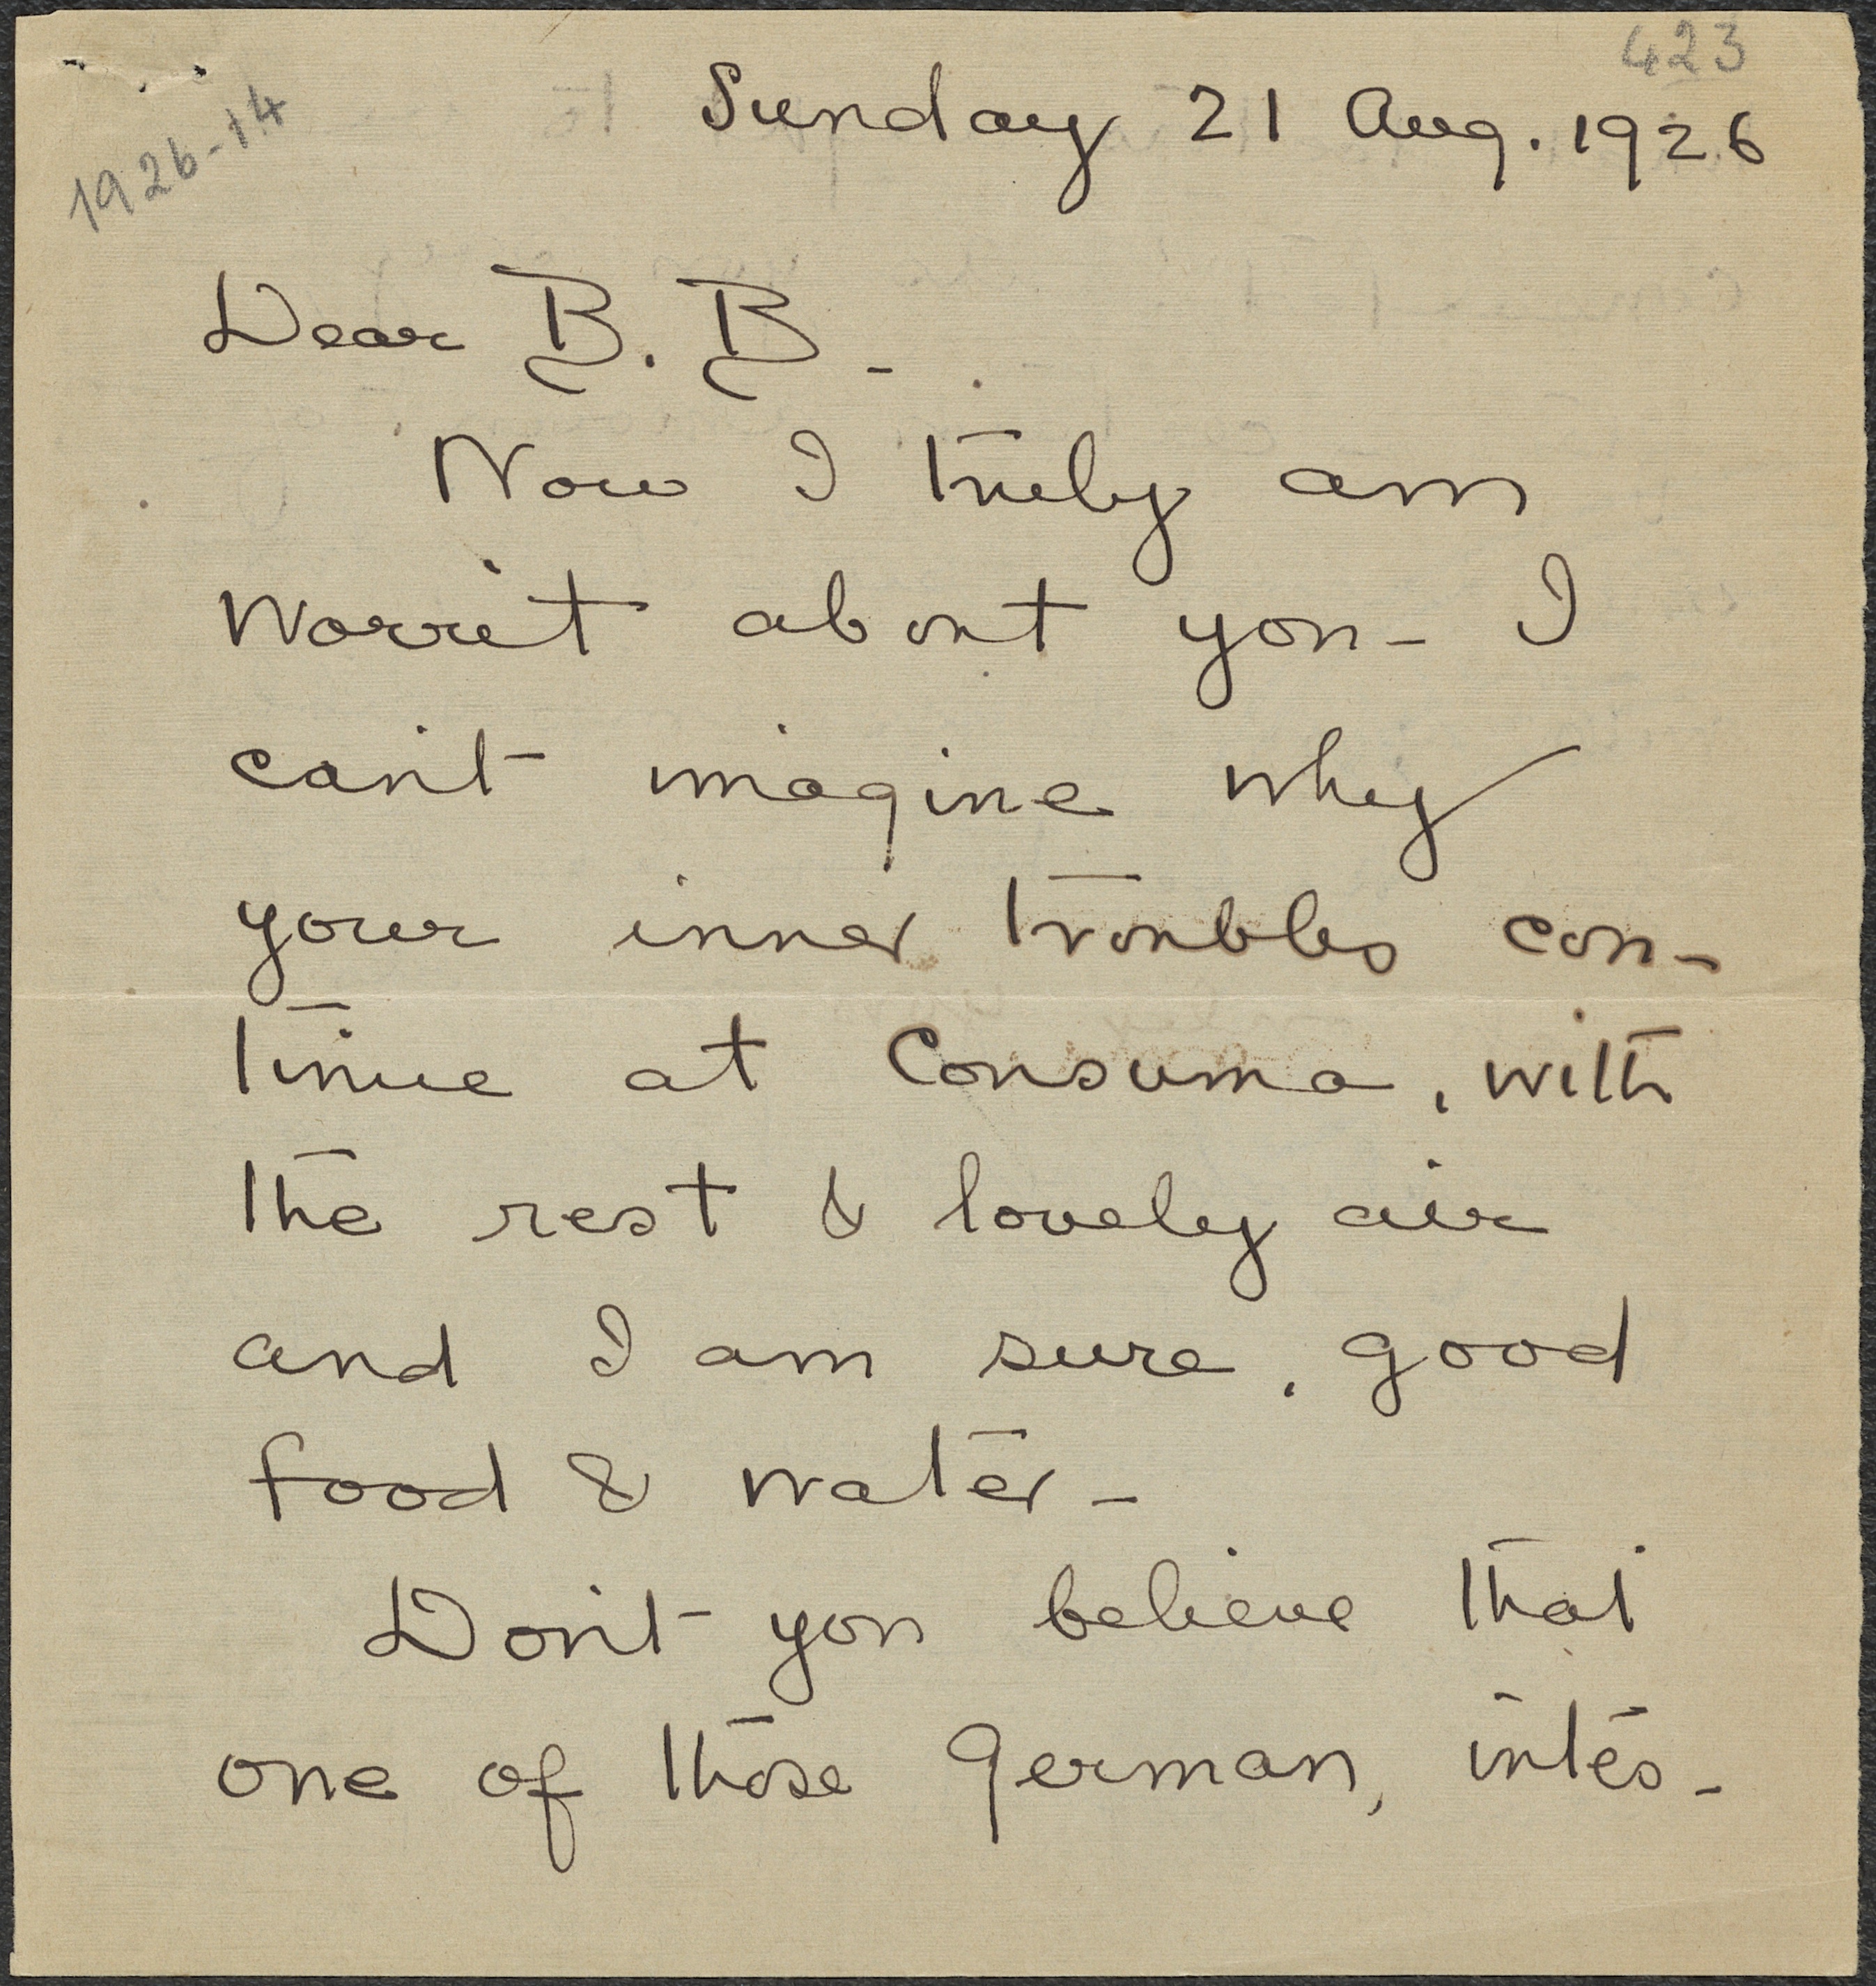Sunday 21 Aug. 1926
Dear B.B –
Now I truly am worrit about you – I can’t imagine why your inner troubles continue at Consuma, with the rest & lovely air and I am sure, good food & water –
Don’t you believe that one of those German, intestinal